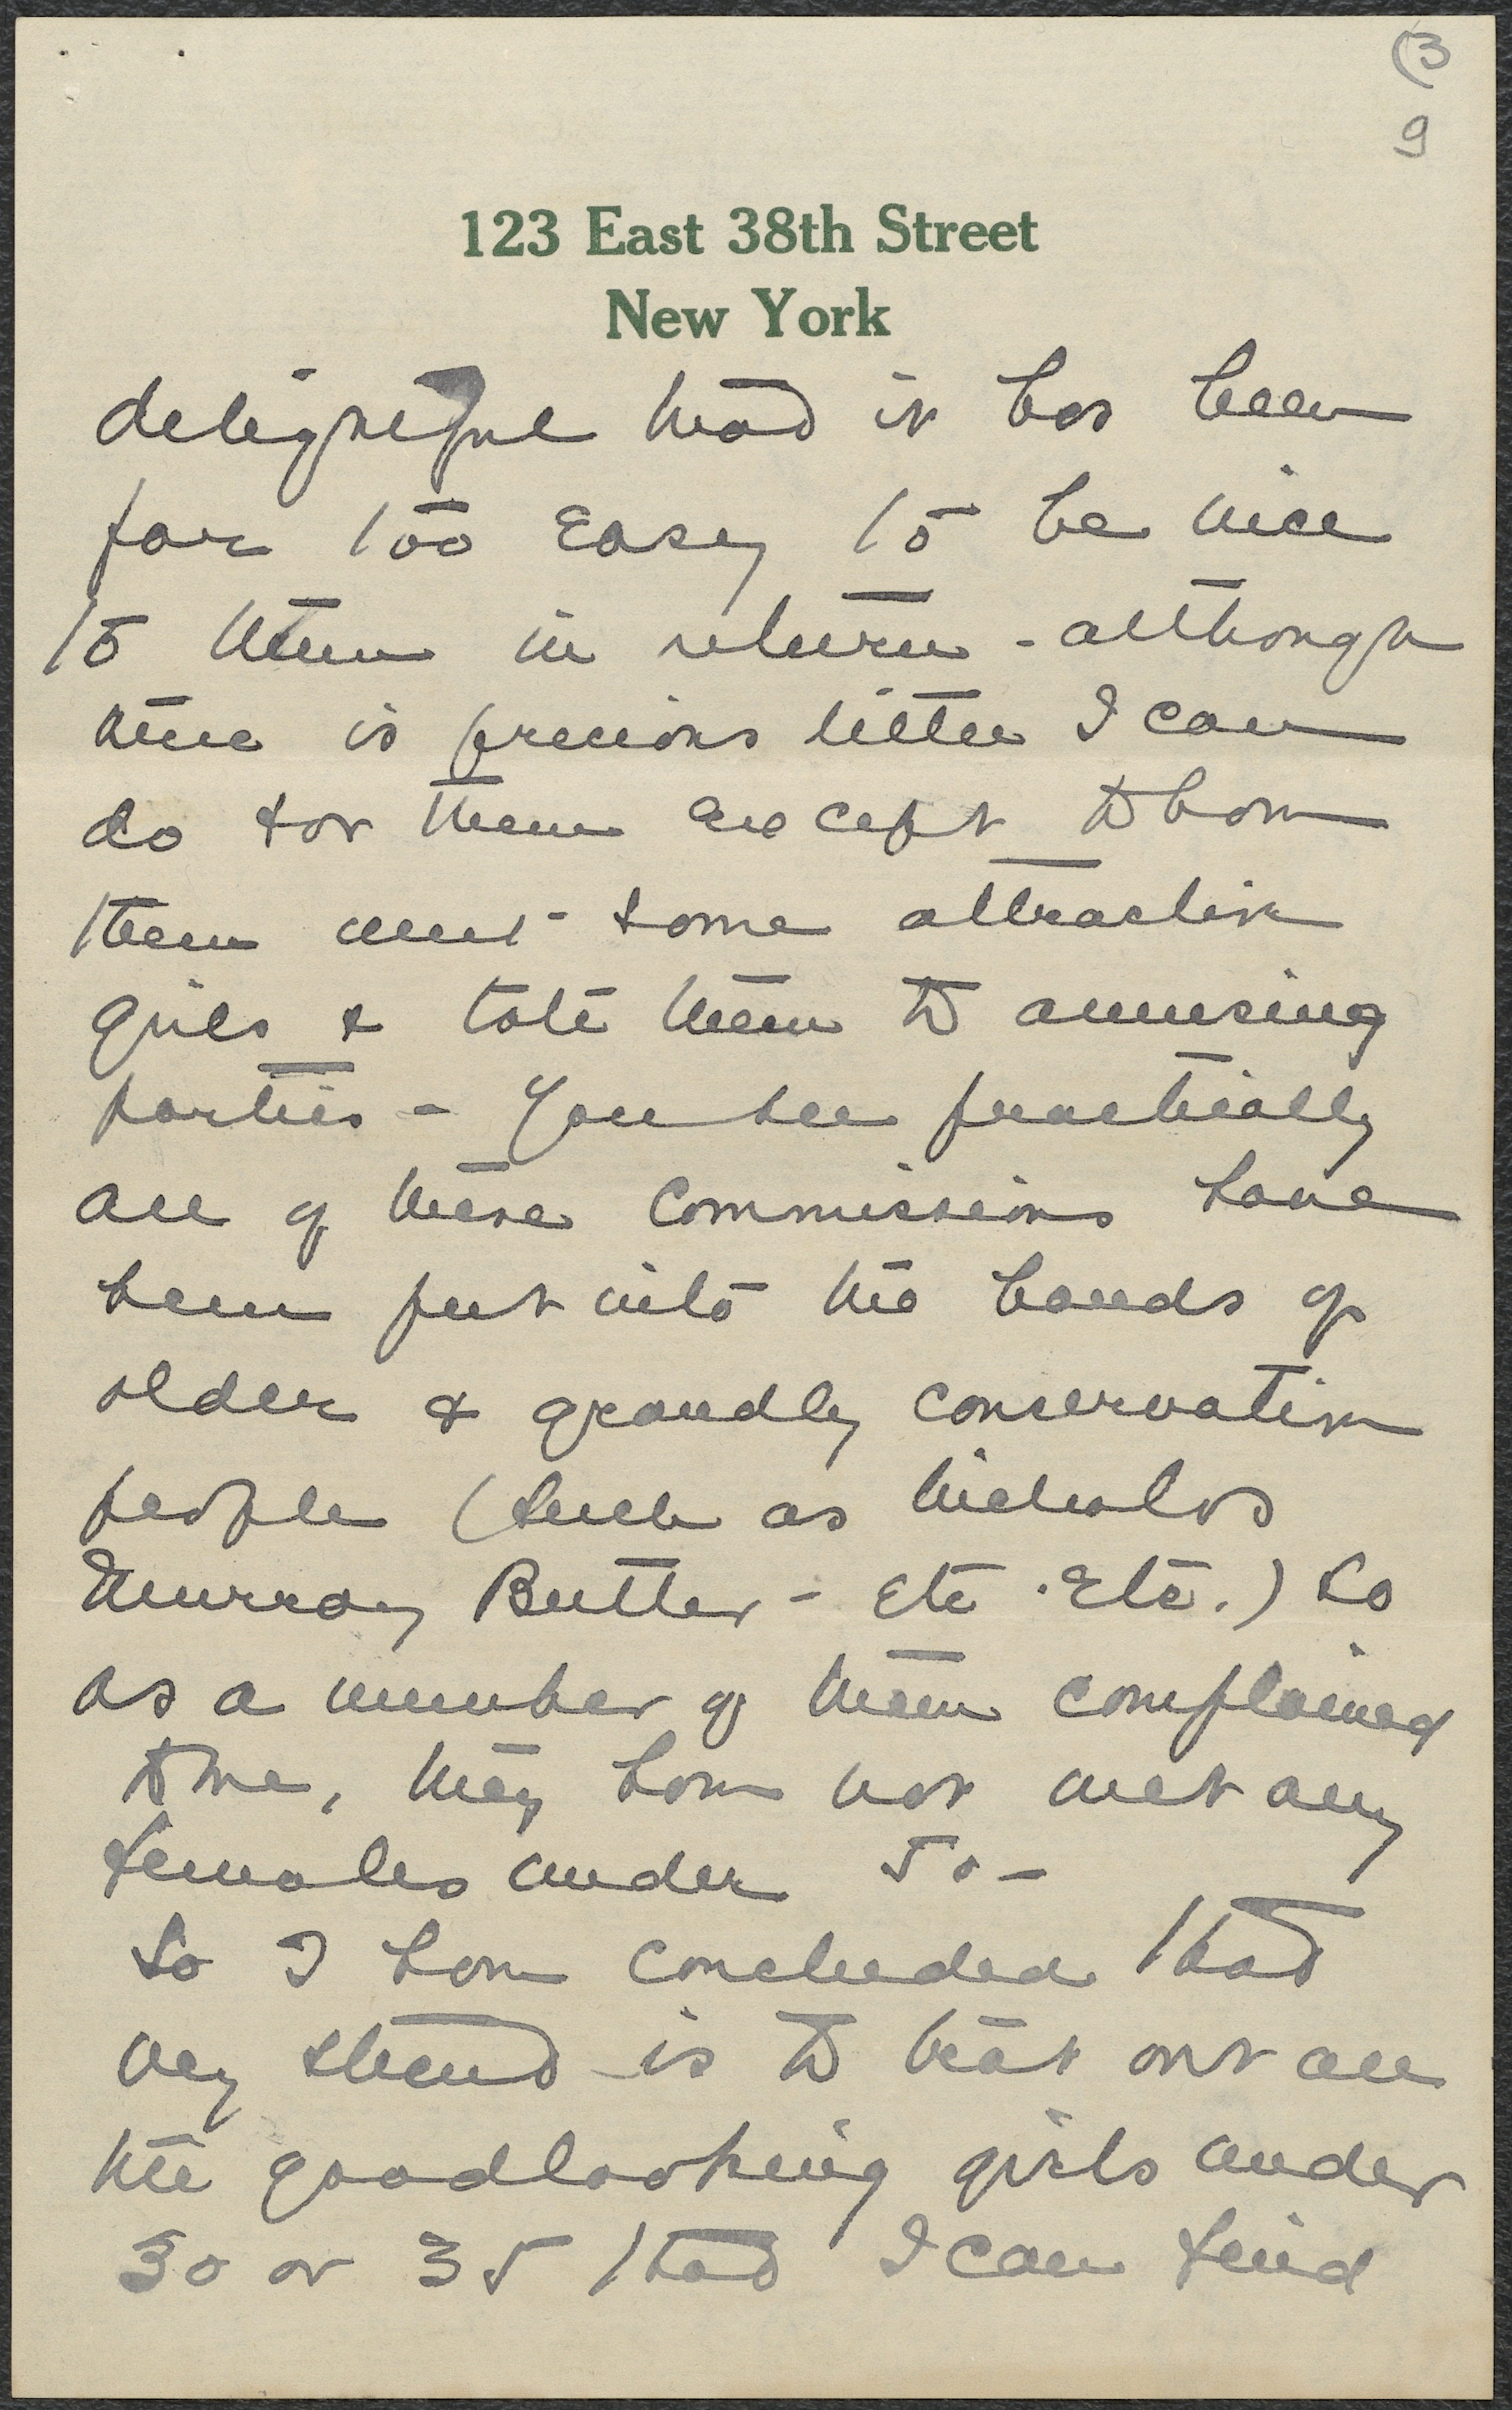delightful that it has been far too easy to be nice to them in return – although there is precious little I can do for them except to have them meet some attractive girls & tote them to amusing parties – You see practically all of there [sic] commissions have been put into the hands of older & grandly conservative people (such as Nicholas Murray Butler – etc. etc.) so as a number of them complained to me, they have not met any females under 50 – So I have concluded that my stunt is to trot out all the goodlooking girls under 30 or 35 that I can find